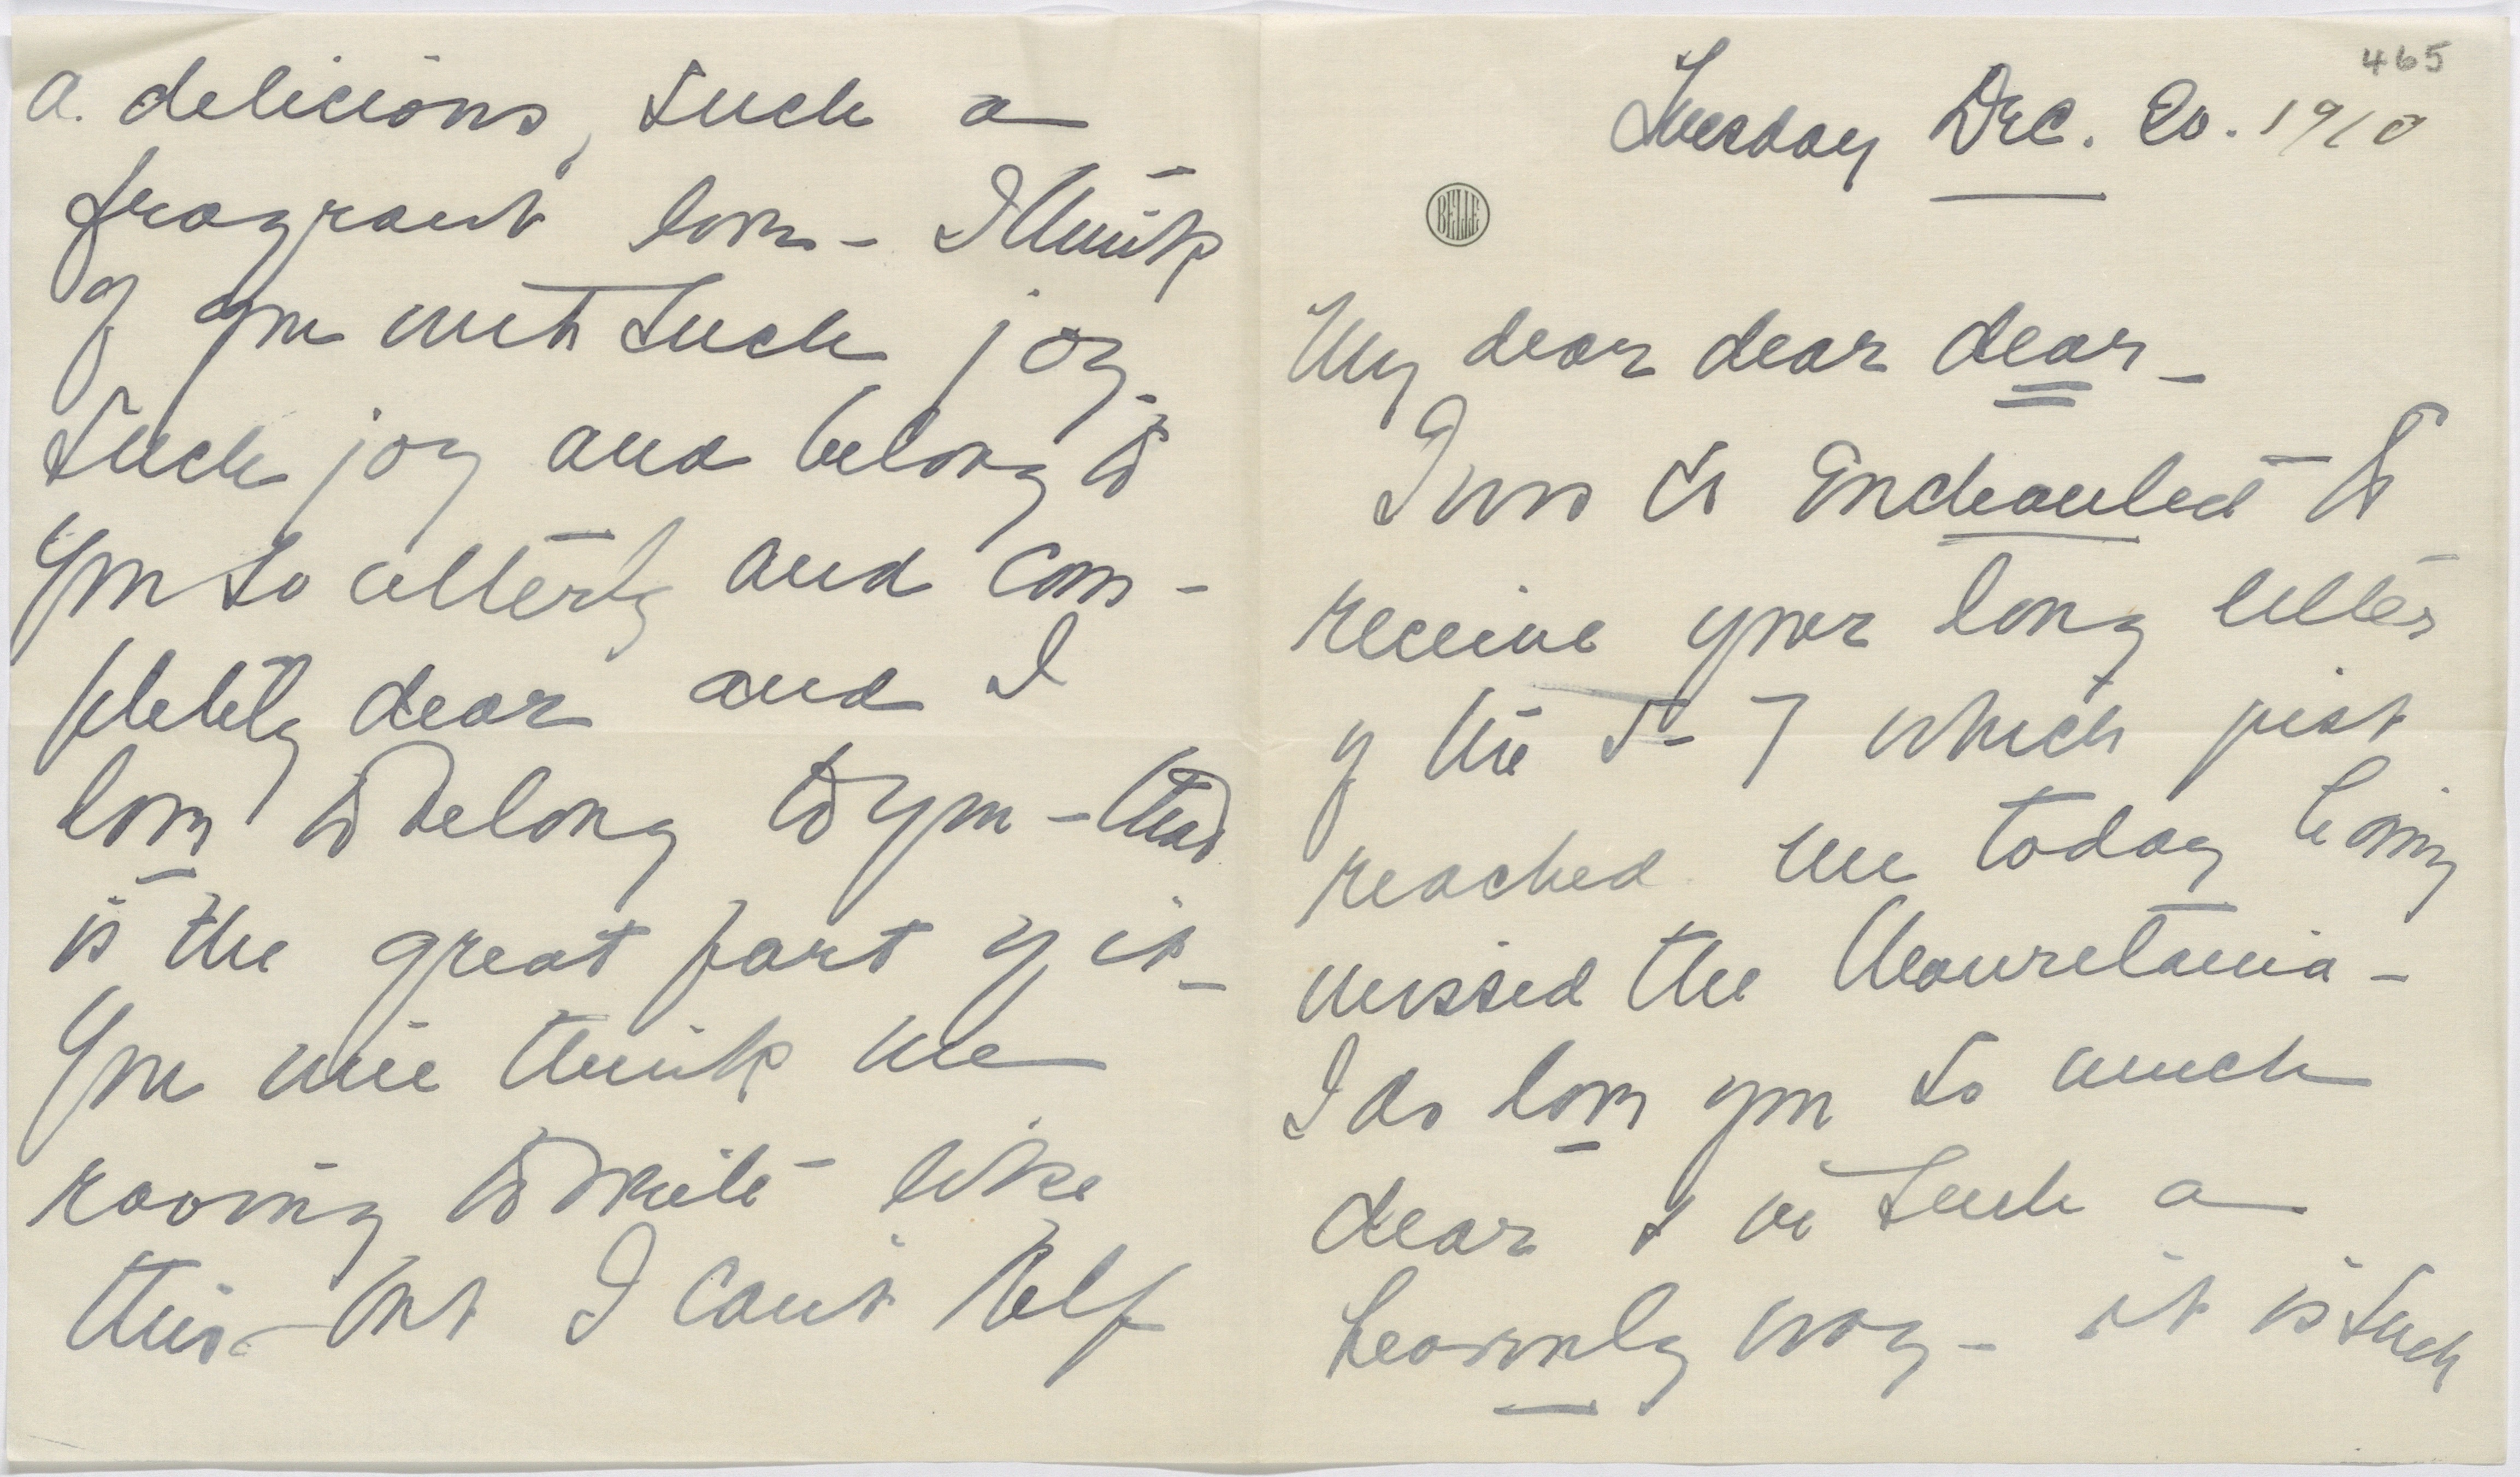Tuesday Dec. 20.
My dear dear [double underlined: dear] –
I was so enchanted to receive your long letter of the 5-7 which just reached me today having missed the Mauretania – I do love you so much dear & in such a heavenly way – it is such
a delicious, such a fragrant love – I think of you with such joy – such joy and belong to you so utterly and completely dear and I love to belong to you – that is the great part of it – You will think me raving to write like this – but I can’t help